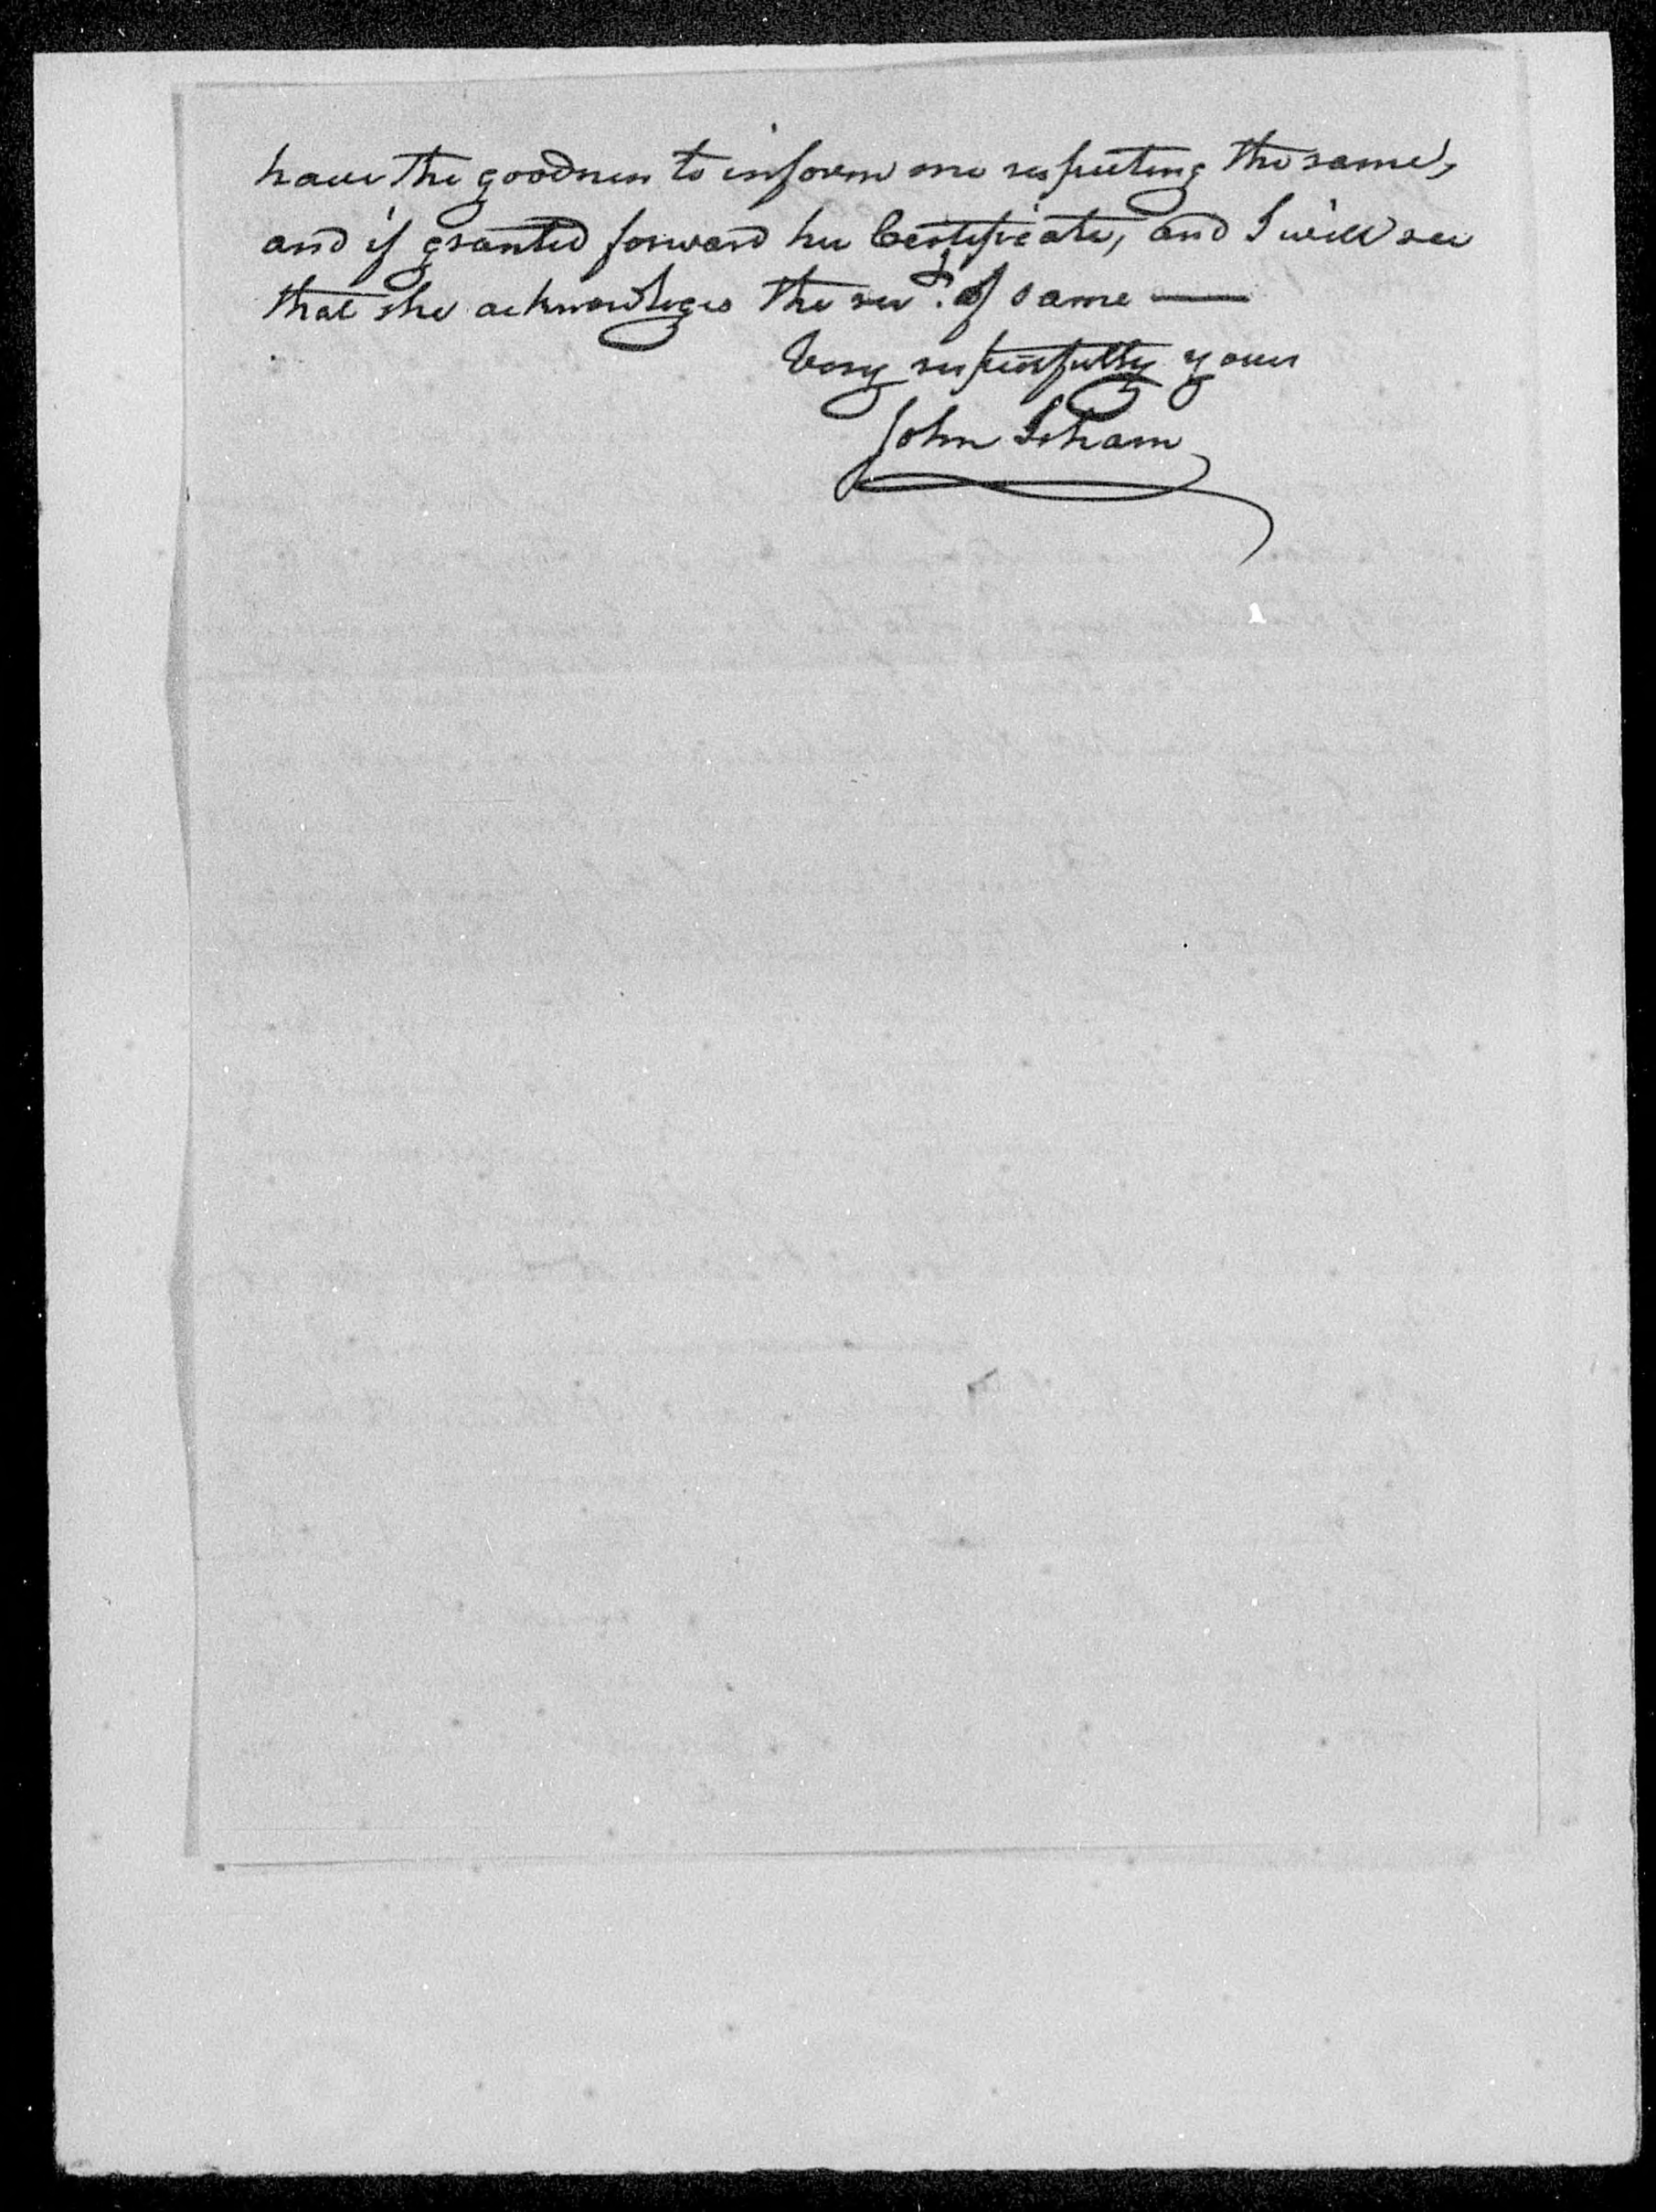have the goodness to inform one respecting the same, and of granted forward her certificate, and I will see that she acknowledges the rect of same.

Very respectfully yours,

John Isham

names: John Isham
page: 24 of 53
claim: rejected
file: R. 3732, Jesse Fox, Conn.